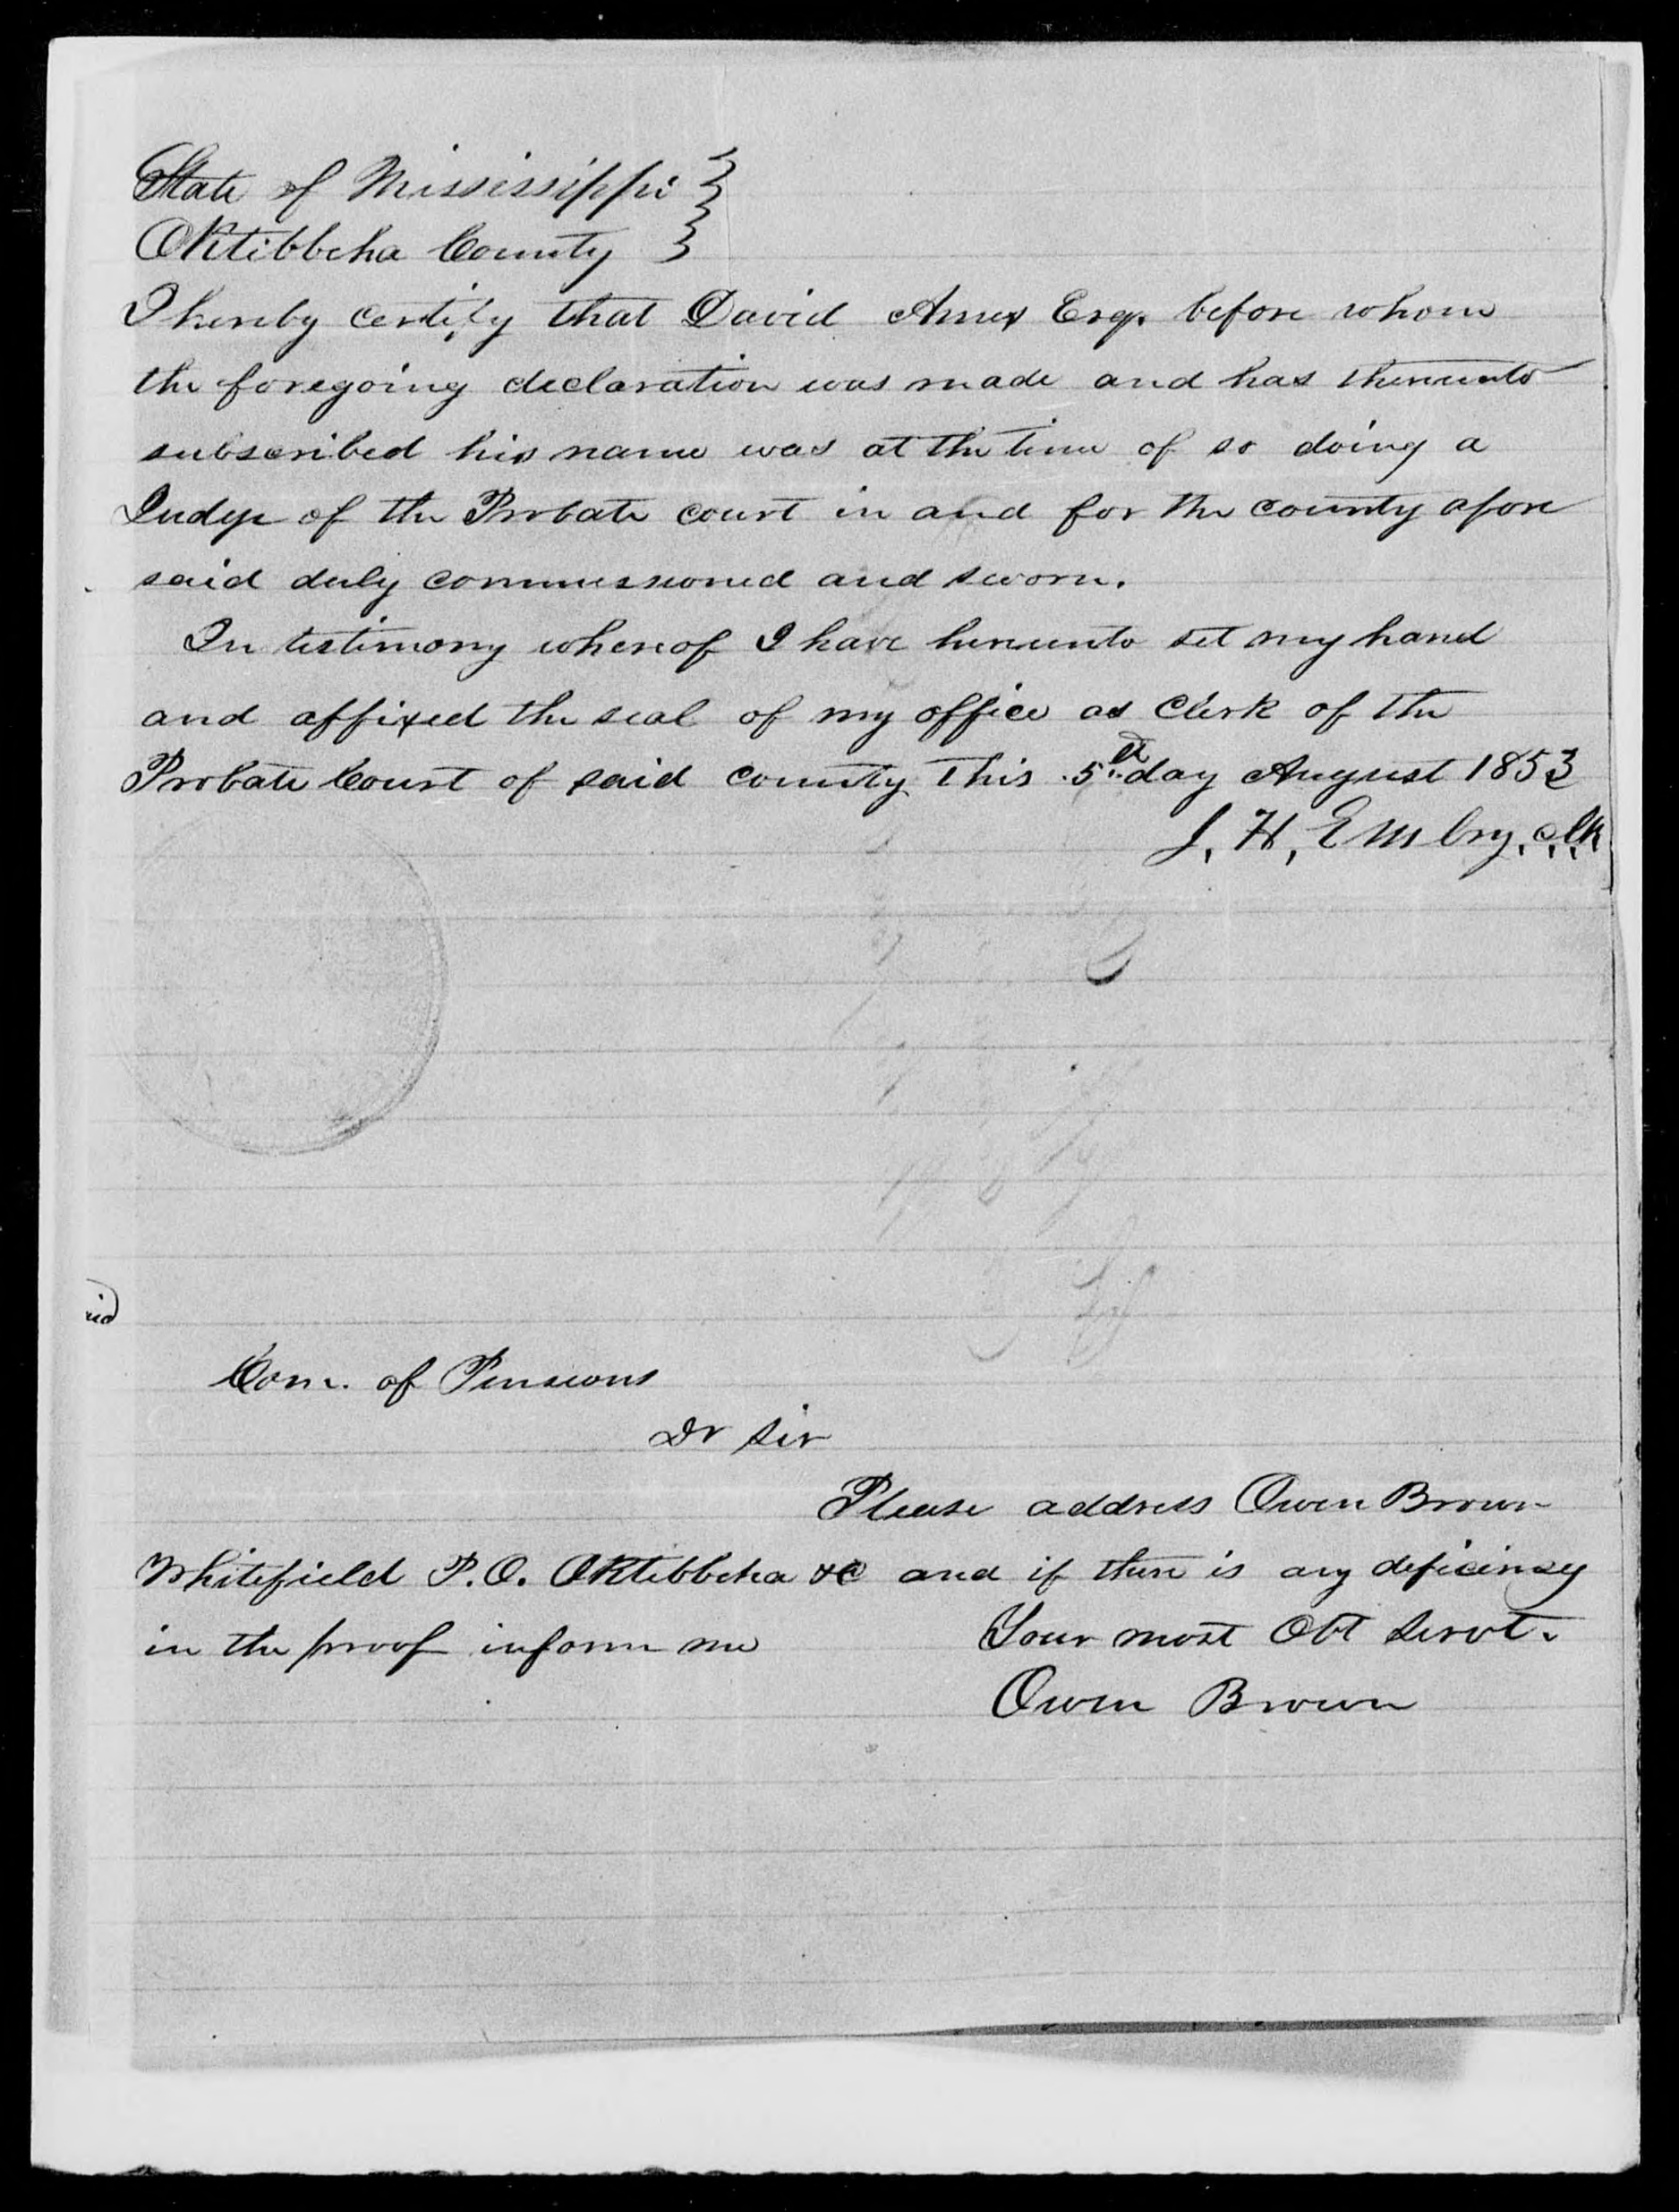State of Mississippi
Oktibbeha County 
I hereby certify that David Ames Esq. before whom
the foregoing declaration was made and has thereunto
subscribed his name was at the time of so doing a
Judge of the Probate Court in and for the county afore
said duly commissioned and sworn.
In testimony whereof I have hereunto set my hand
and affixed the seal of my office as clerk of the
Probate Court of said county this 5th day August 1853
J.H. Embry, clk
and
Com. of Pensions
Dr Sir
Please address Owen Brown
Whitefield P. O. Oktibbeha Co and if there is any deficiency
in the proof inform me
Your most Obt Servt.
Owen Brown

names: Owen Brown, J H Embry, David Ames, Owen Brown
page: 14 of 85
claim: widow's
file: W. 5,906, John Brown, S.C.